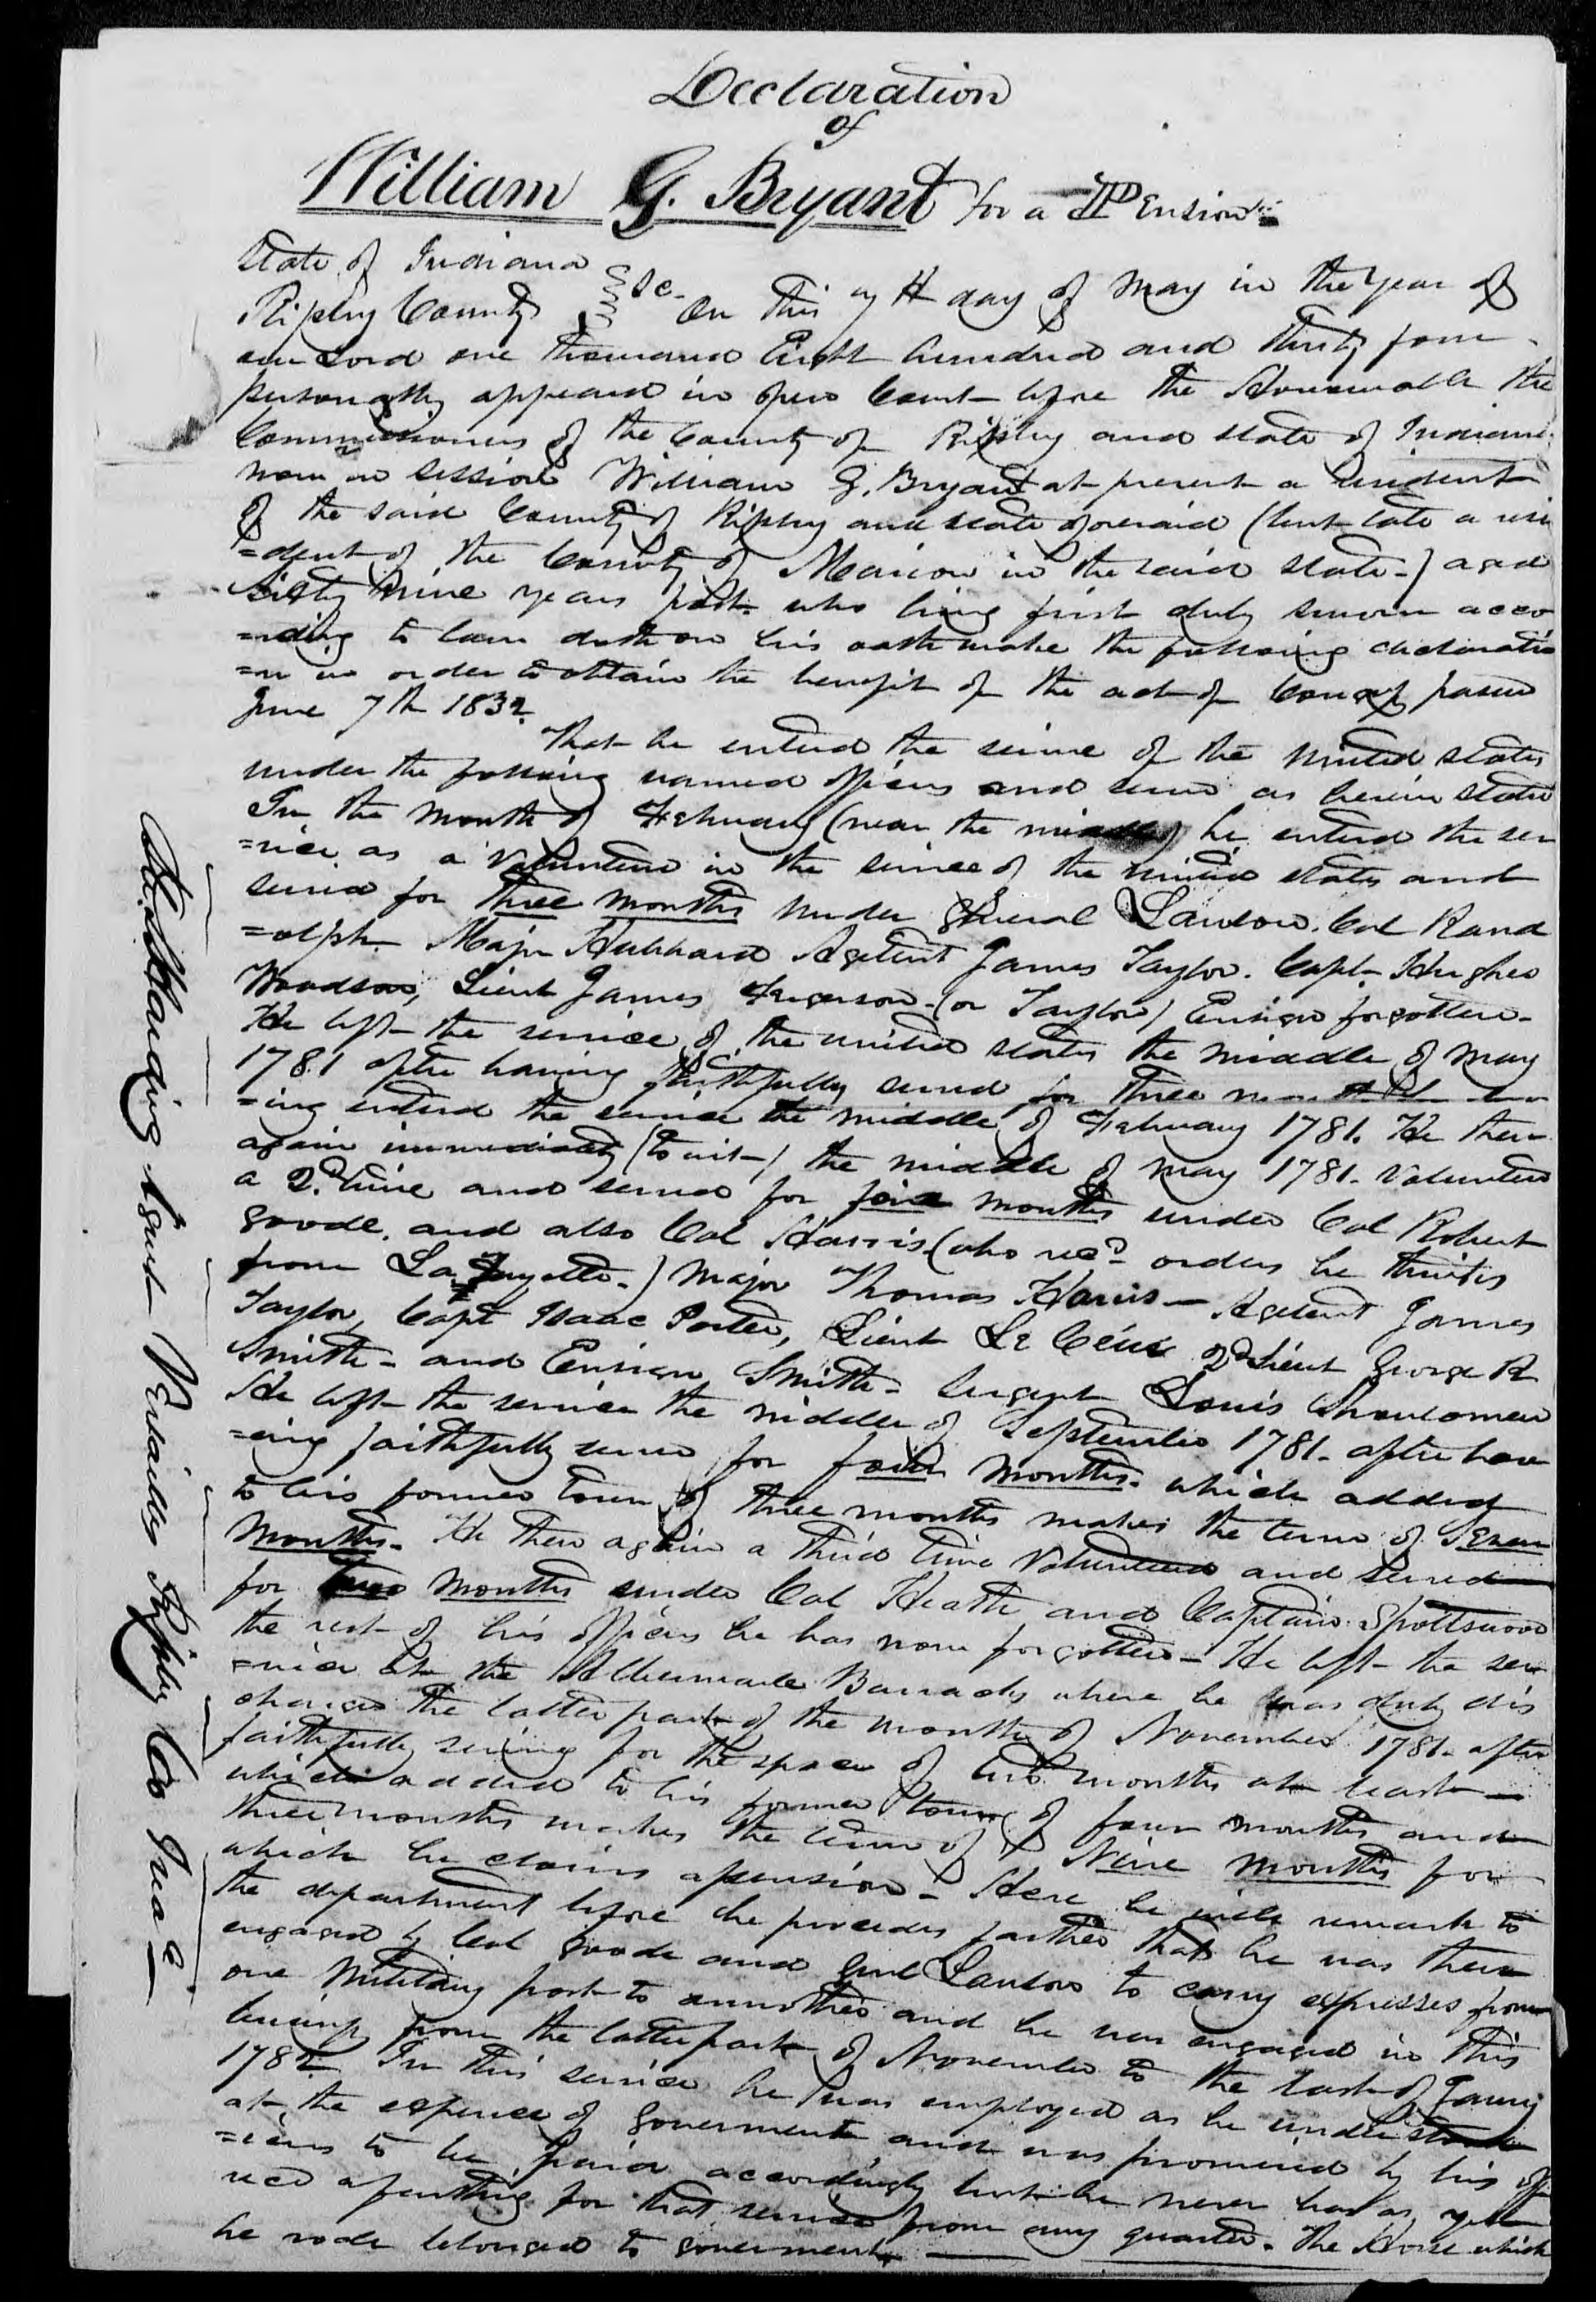Declaration
of
William G. Bryant for a Pension 

State of Indiana
Ripley County

On this 7th day of May in the year of our Lord one thousand eight hundred and thirty four, personally appeared in open court before the Honourable (sic) the Commissioners of the Court of Ripley and State of Indiana sworn in session William G. Bryant at present a resident of the said County of Ripley and seate (sic) aforesaid (but late a resident of the County of Marion in the said state - aged sixty nine years past who bring first duly sworn according to law doth on his oath make the following declaration in order to obtain the benefit of the act of Congress passed June 7th 1832.

That he entered the service of the United States under the following named officers and served as herein states.  In the month of February (near the middle) he entered the services for three months under General Lawson, Col Randolph Major Hubbard Ajutent (sic) James Taylor. Captain Hughes Woodson, Lieut James Ferguson - (or Taylor) Ensign forgotten.  He left the service of the united states the middle of May 1781 after having faithfully served for three months (paper crease) having entered the service the middle of February 1781.  He then again immediately /to wit-/ the middle of May 1781.  Volunteers a 2nd. time and served for four months under Col Robert Goode, and also Col Harris. (who rec'd order he thinks from LaFayette.)  Major Thomas Harris - Ajutant (sic) James Taylor, Capt Isaac Porter, Lieut Le Crew 2nd Lieut (sic) George R Smith - and Ensign Smith - Sergent (sic) Louis Shaulomar.  He left the service the middle of September 1781. after having faithfully served for four months. which added to his former tour of three months makes the term of seven months.  He then again a third time volunteered and served for two months under Col Heath and Captain Spotswood the rest of his officers he has now forgotten - He left the service at the Albermarle Barracks where he was duly discharged the latter part of the month of November 1781 after having faithfully served for the space of [unknown] months at least - which added tohis former tour of four months and three months makes the total of nine months for which he claims a pension - Here he will remark to the department before he procedes (sic) farther that he was then engaged by Col Goode and Genl Landors to carry expresses from one Military for to another and he was engaged in this business from the latter part of November to the last of January 1782.  In this service he was employed as he understood at the expense of government and was promised by his officers a farthing for that service from any quarter.  The horse which he rode belonged to government.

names: Spottswood, Isaac Porter, James Taylor, Huges Woodson, William G Bryant, Hubbard, Lauson, Louis Shaulomar, James Taylor, Le Cew, James Taylor, James Ferguson, Harris, George R Smith, Lawson, Smith, Heath, Robert, Thomas Harris, Randolph, William G Bryant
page: 3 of 31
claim: survivor's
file: S. 3049, William G Bryant, Va.